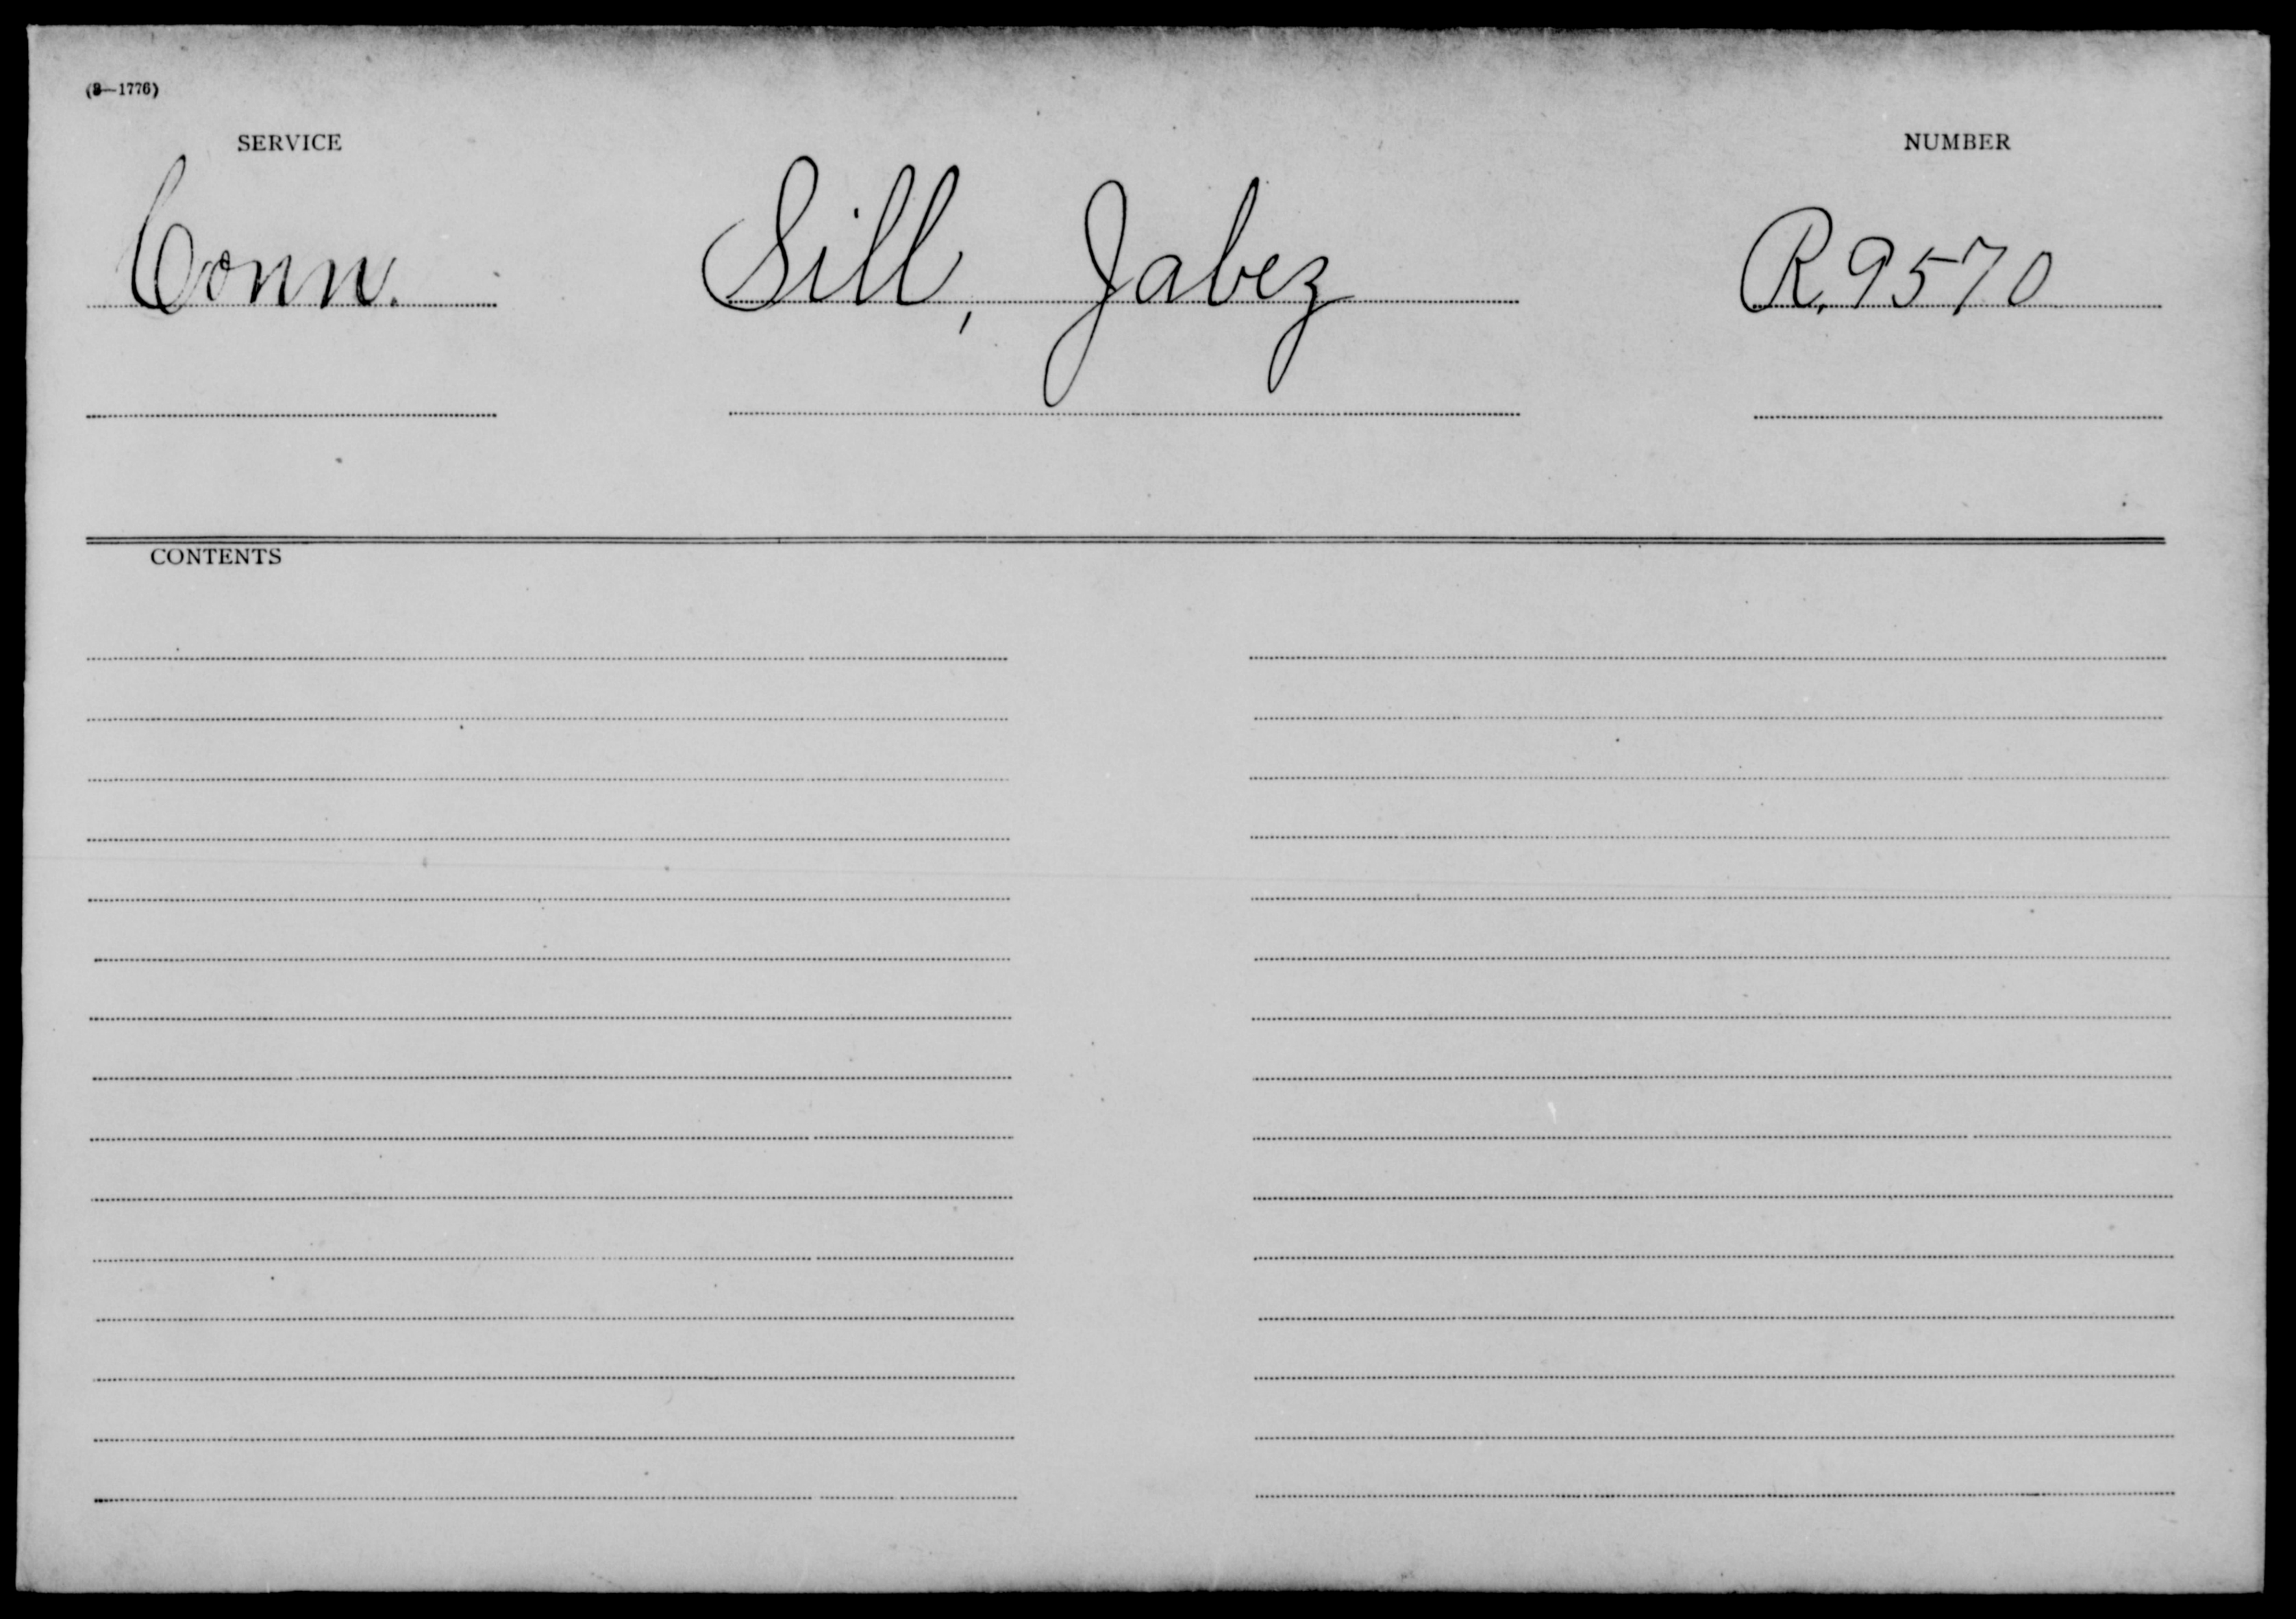(3-1776) 
Service 
Conn.
Sill, Jabez
Number R. 9570
Contents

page: 1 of 29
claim: rejected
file: R. 9570, for Jabez Sill, Connecticut